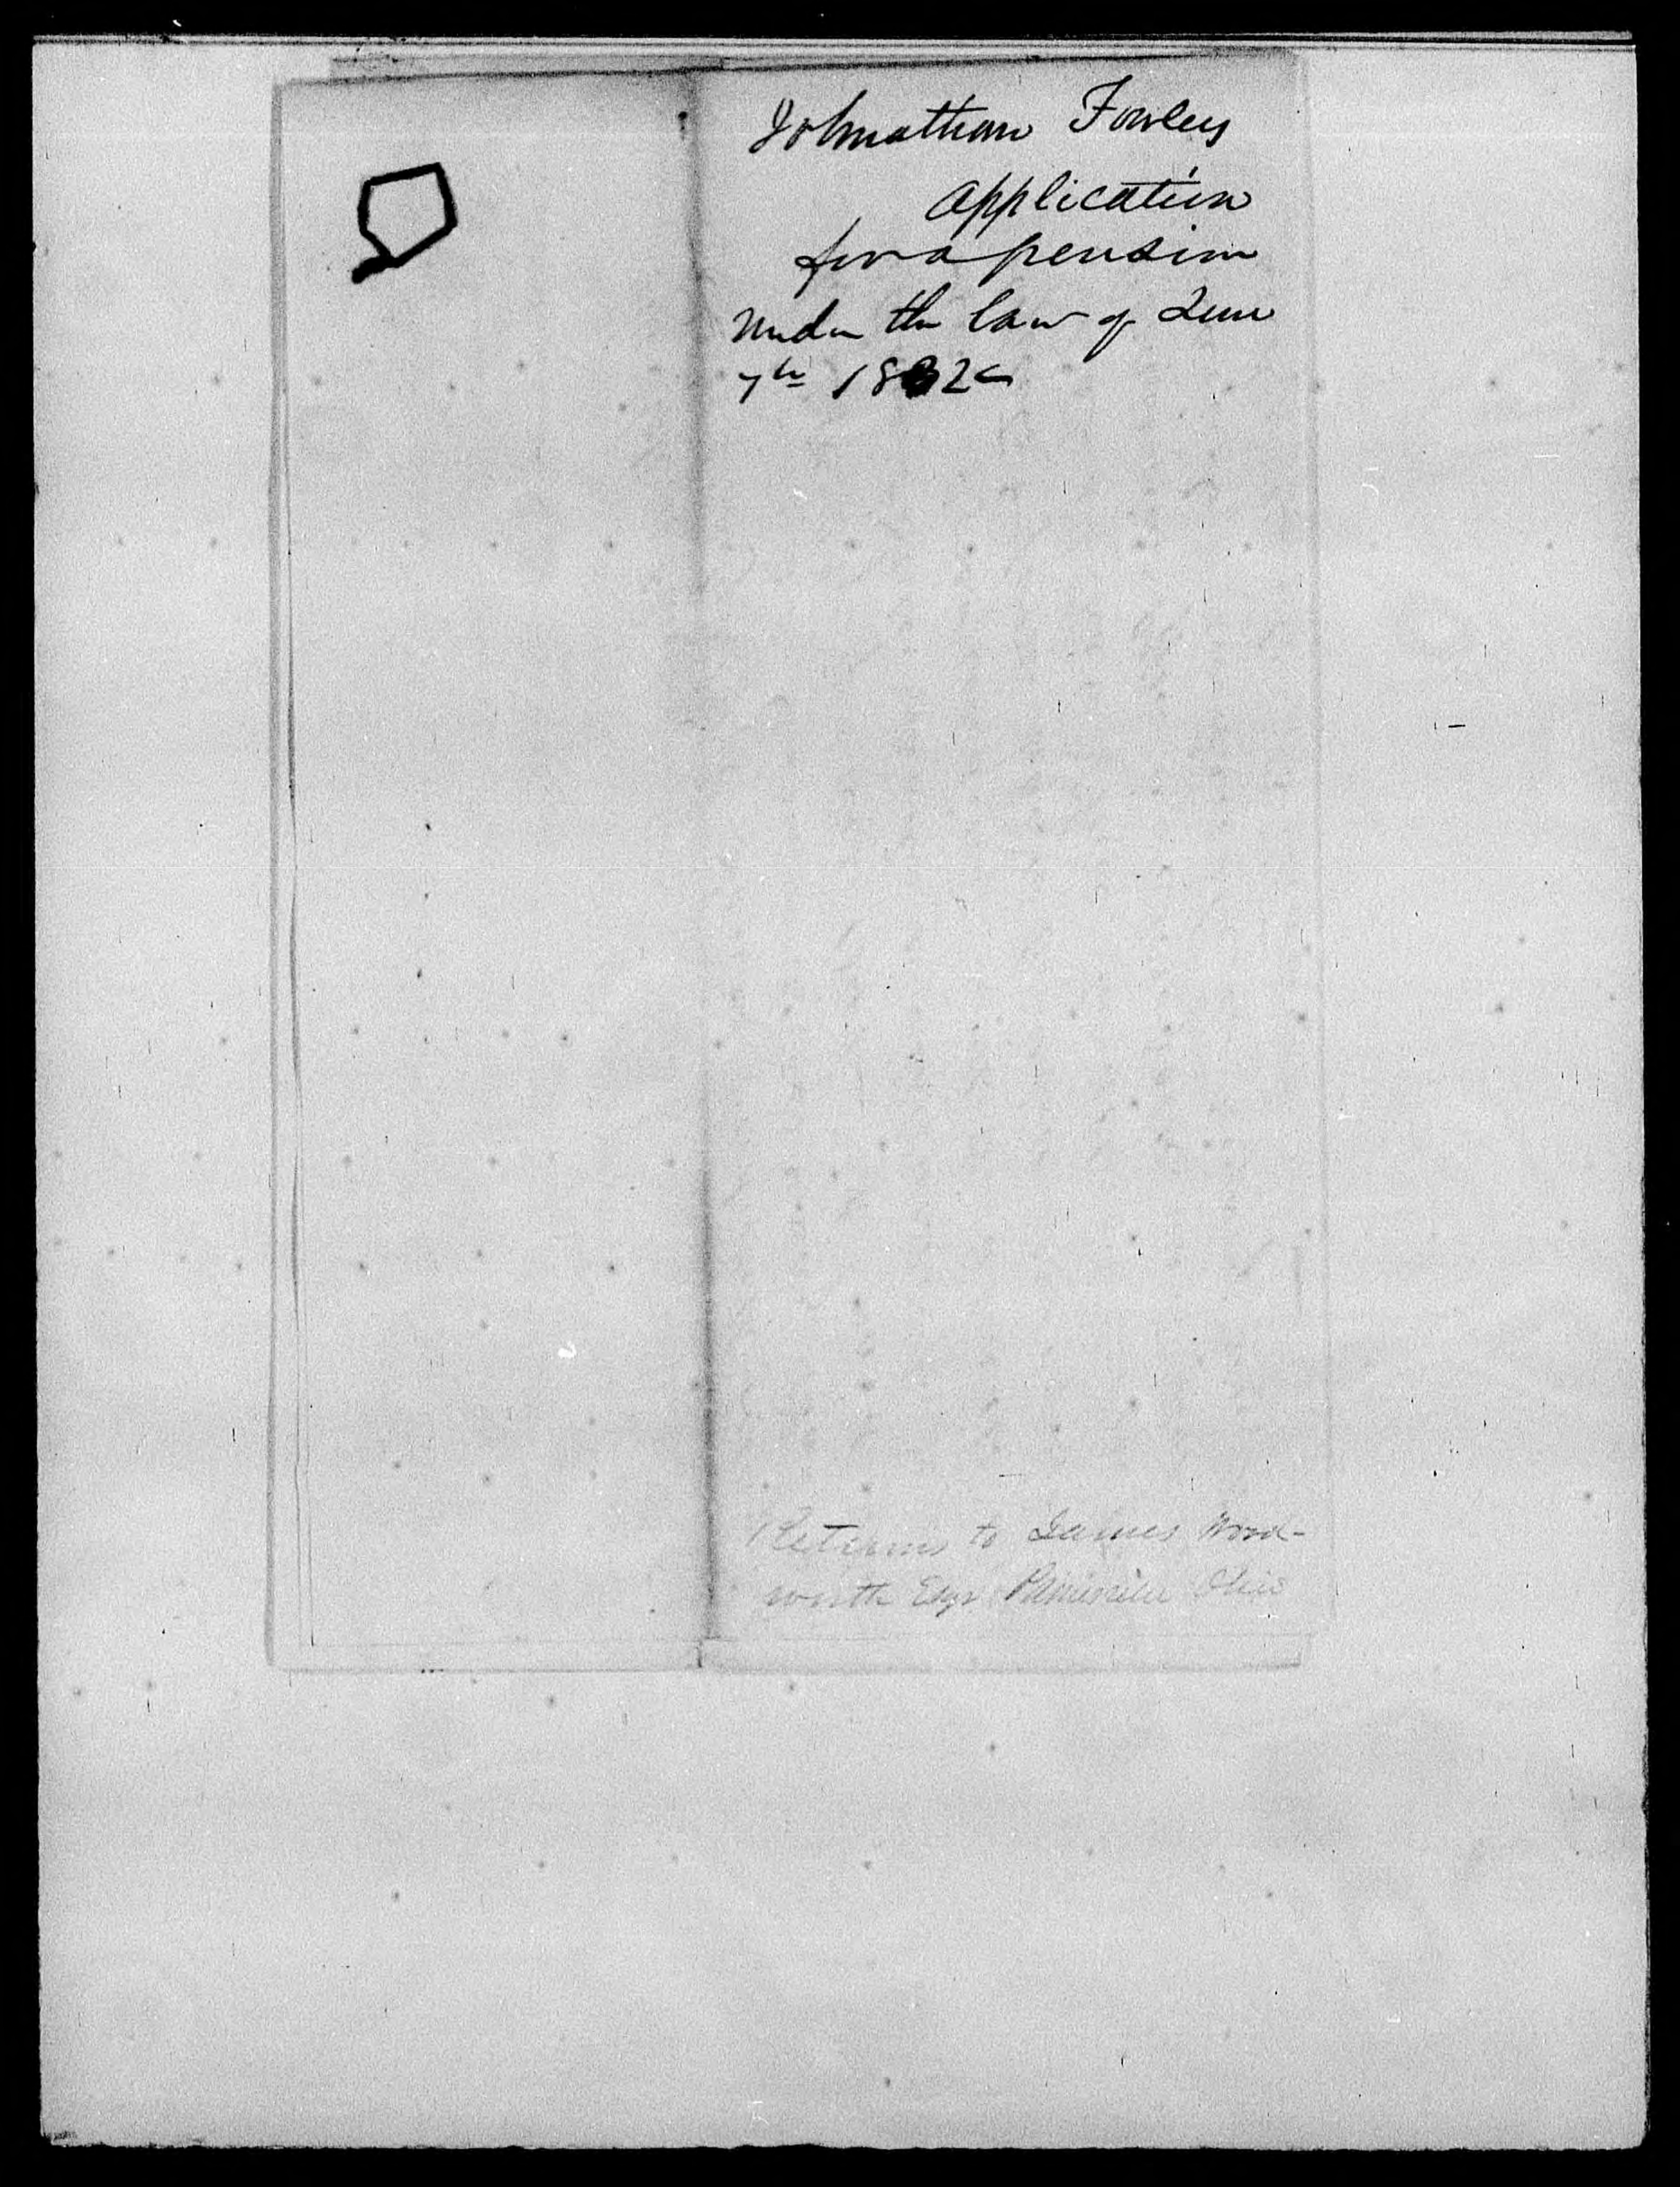Johnathan Fowler
Application for a pension under the law of June 7th 1832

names: Johnathan Fowler, James Woodworth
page: 3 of 44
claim: survivor's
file: S. 23639, Jonathan Fowler, New York